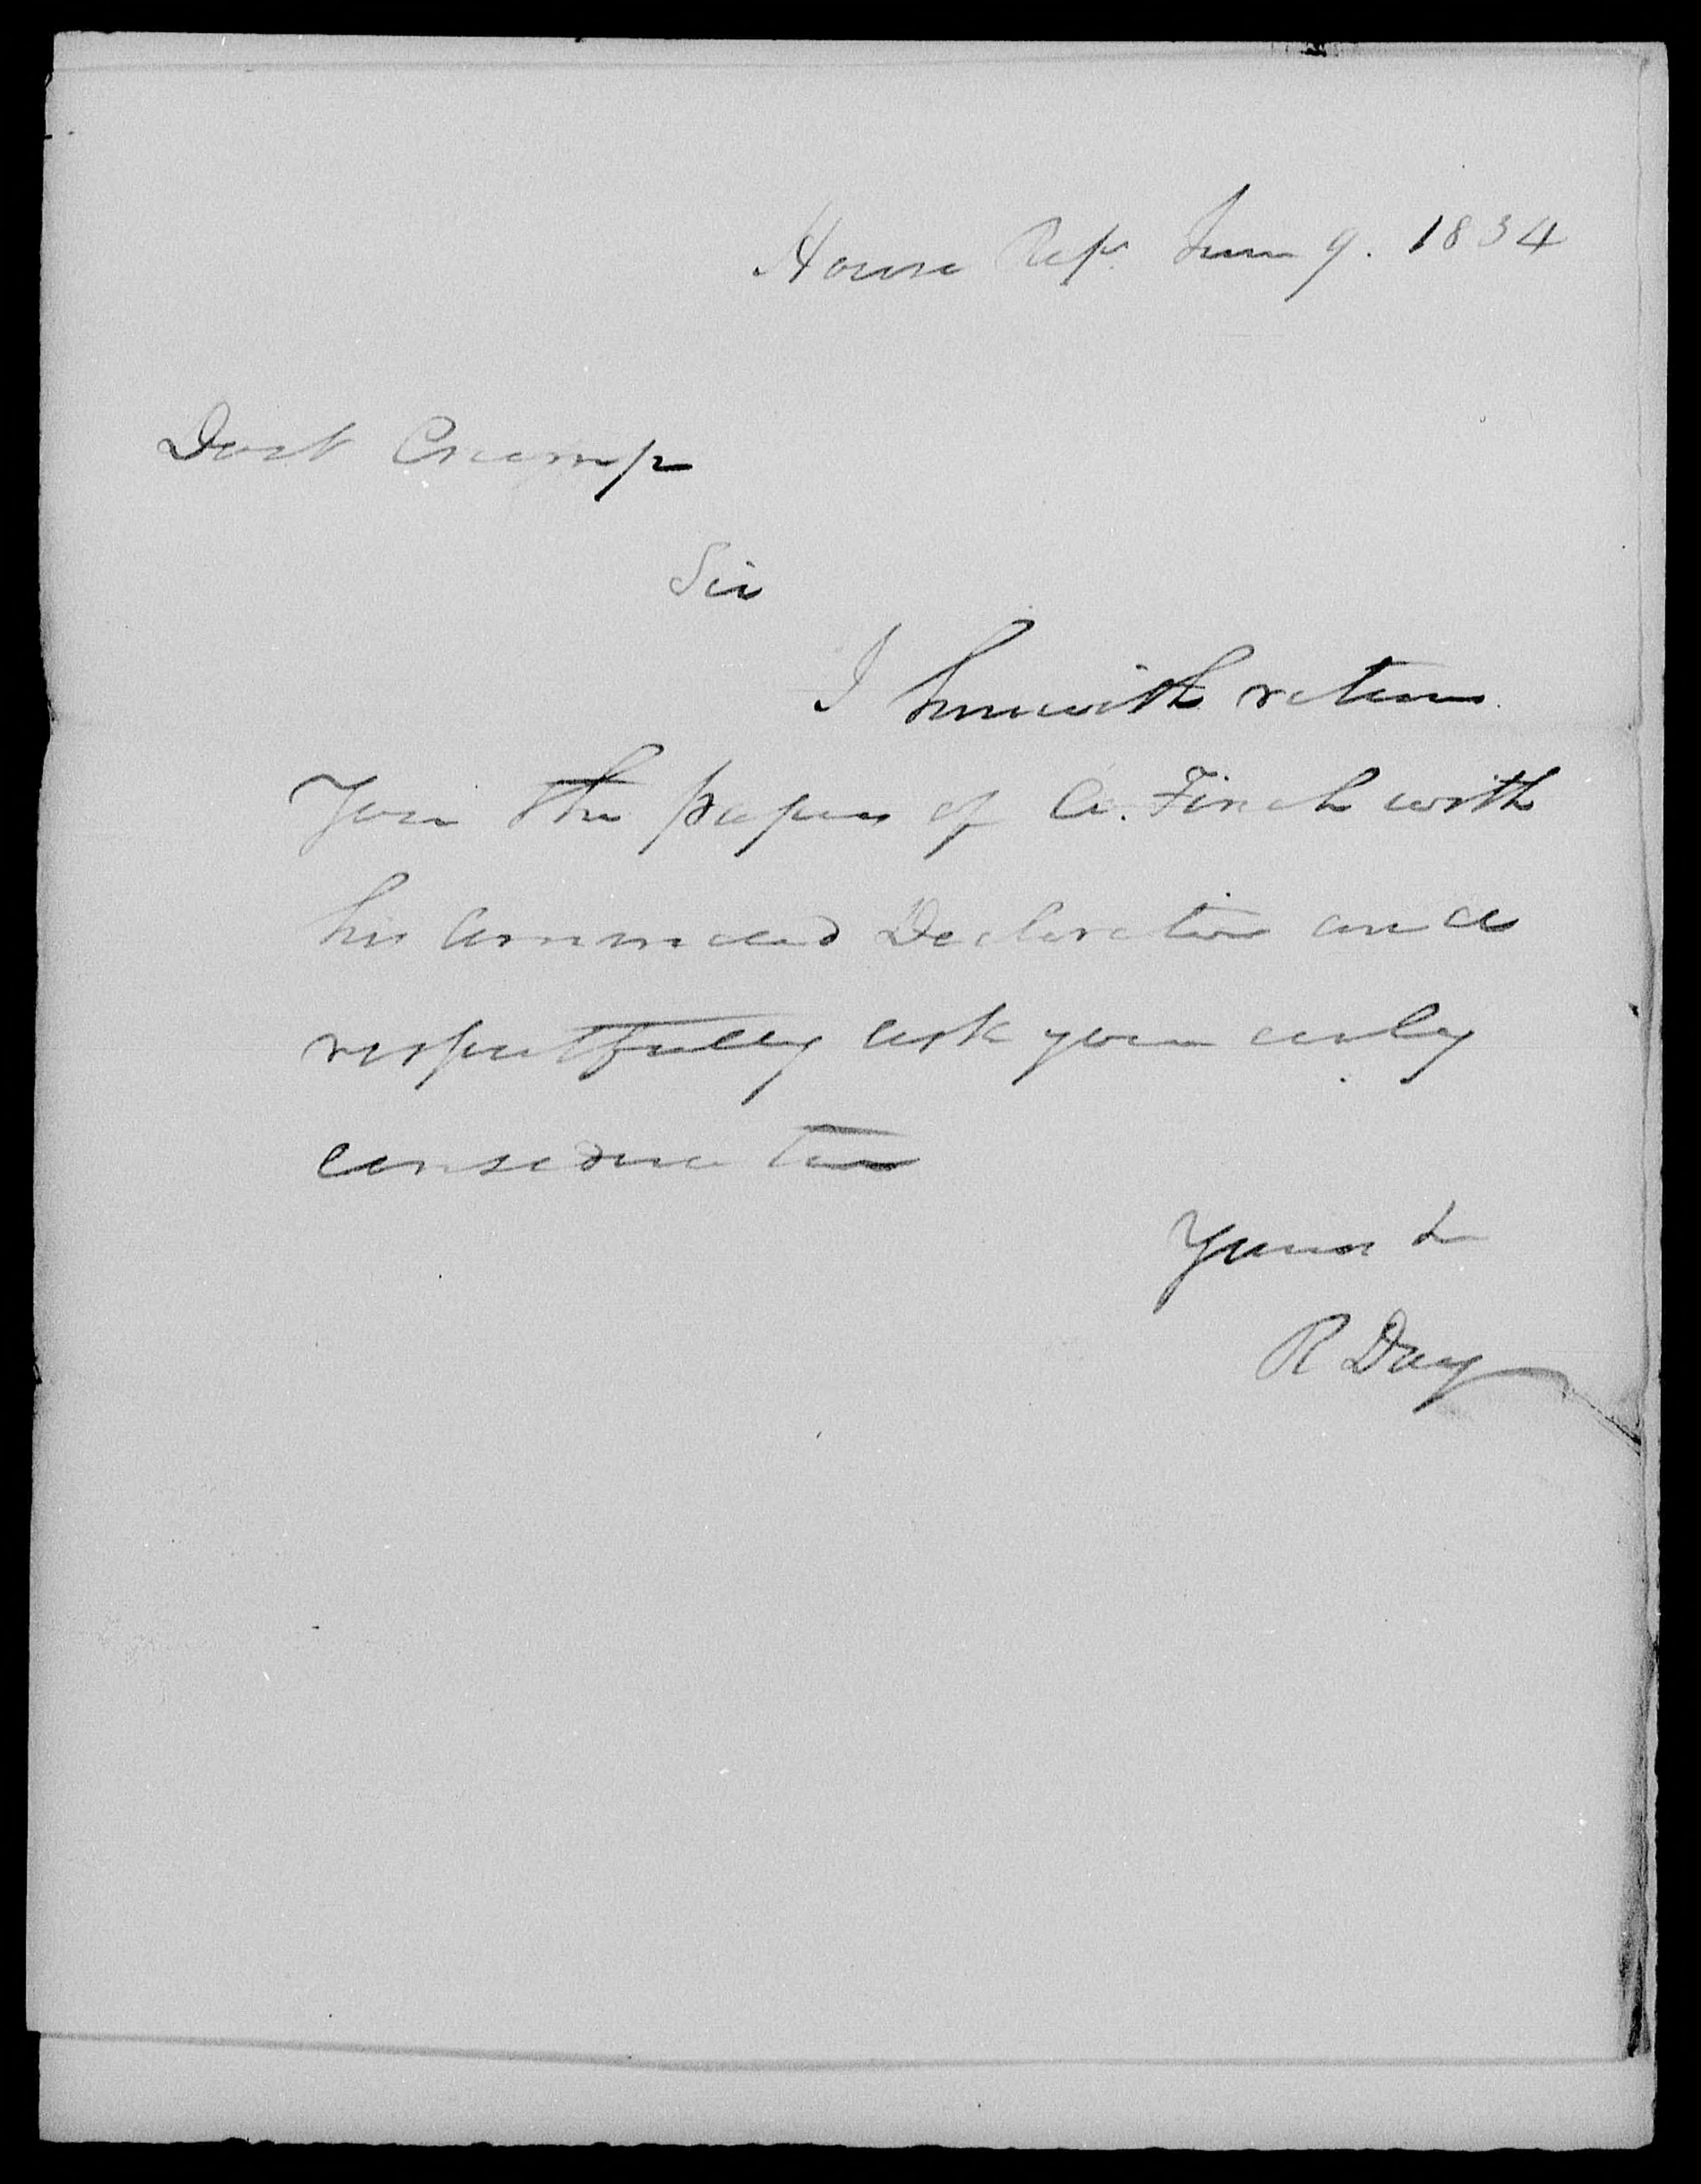Dort Cramp
House Rep June 9. 1834
Dort Cramp
Sir
I herewith return
you the papers of A. Finch with
his amended Declaration and
respectfully ask your early
considerate
Yours
R Day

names: R Day, A Finch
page: 35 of 35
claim: survivor's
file: S. 28727, Abraham Finch, Conn.